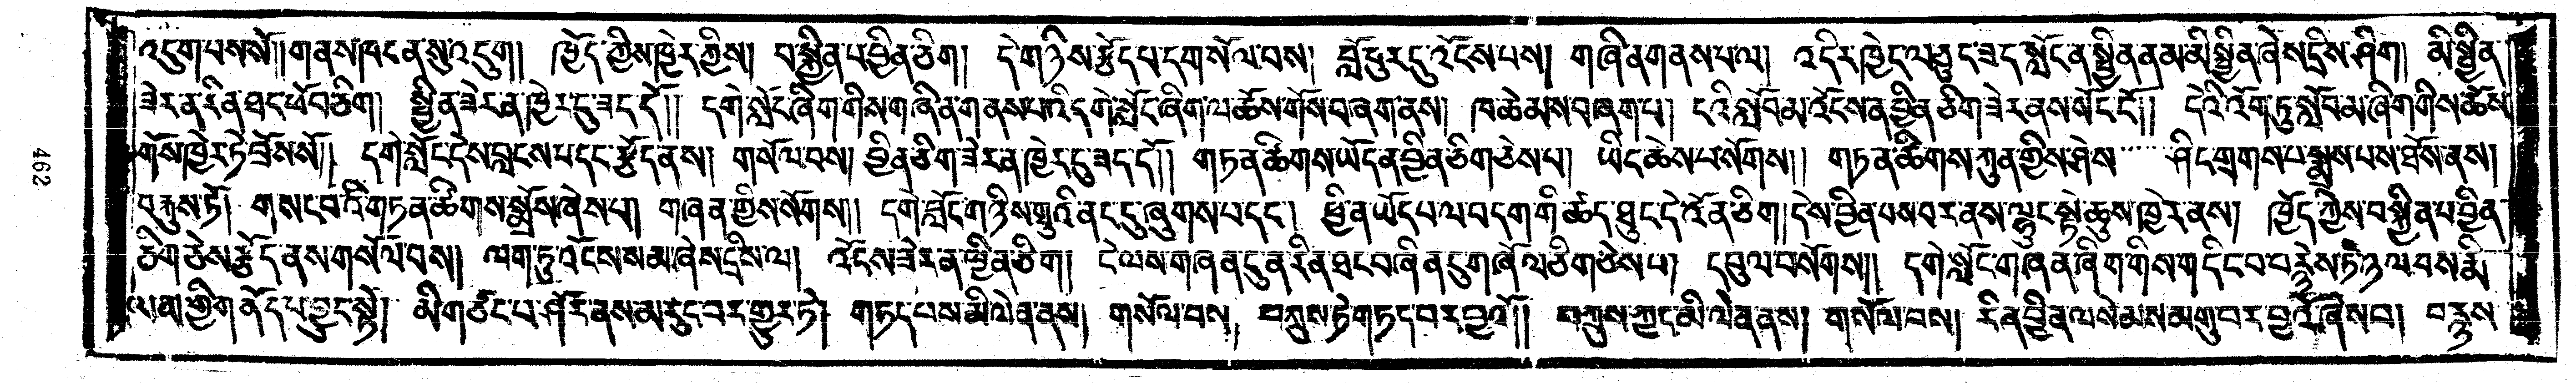འདུག་པས་སོ།། གནས་ཁང་ན་སུ་འདུག། ཁྱོད་ཀྱིས་ཁྱེར་ཀྱིས། བ་སྐྱིན་པ་བྱིན་ཅིག། དེ་གཉིས་རྩོད་པ་དག་སོལ་བས། བློ་བུར་དུ་འོངས་པས། གཞིན་གནས་པ་ལ། འདིར་ཁྱེད་ལ་ཅུང་ཟད་སློང་ན་སྦྱིན་ནམ་མི་སྦྱིན་ཞེས་དྲིས་ཤིག། མི་སྦྱིན་
ཟེར་ན་རིན་ཐང་ཕོབ་ཅིག། སྦྱིན་ཟེར་ན་ཁྱེར་དུ་ཟང་དོ།། དགེ་སློང་ཞིག་གིས་གཞིན་གནས་པའི་དགེ་སློང་ཞིག་ལ་ཆོས་གོས་བཞག་ནས། ཁ་ཆེམས་བཞག་པ། ངའི་སློབ་མ་འོངས་ན་བྱིན་ཅིག་ཟེར་ནས་སོང་ངོ།། དེའི་འོག་ཏུ་སློབ་མ་ཞིག་གིས་ཆོས་
གོས་ཁྱེར་ཏེ་བྲོས་སོ།། དགེ་སློང་དེས་བླངས་པ་དང་རྩོད་ནས། གསོལ་བས། བྱིན་ཅིག་ཟེར་ན་ཁྱེར་དུ་ཟད་དོ།། གཏན་ཚིགས་ཡོད་ན་བྱིན་ཅིག་ཅེས་པ། ཡིད་ཆེས་པ་སོགས།། གཏན་ཚིགས་ཀུན་གྱིས་ཤེས་ཤིང་གྲགས་པ་སྨྲས་པས་ཐོས་ནས།
བརྐུས་ཏོ། གསང་བའི་གཏན་ཚིགས་སྨྲོས་ཞེས་པ། གཞན་གྱིས་སོགས།། དགེ་བློང་གཉིས་གྲུའི་ནང་དུ་ཞུགས་པ་དང་། ཕྱི་ན་ཡོད་པ་ལ་བདག་གི་ཚད་ཐུང་དེ་འོན་ཅིག། དེས་བྱིན་པས་བར་ནས་ལྷུང་སྟེ་ཆུས་ཁྱེར་ནས། ཁྱོད་ཀྱིས་བསྐྱིན་པ་བྱིན་
ཅིག་ཅེས་རྩོད་ནས་གསོལ་བས། ལག་ཏུ་འོངས་སམ་ཞེས་དྲིས་ལ། འོངས་ཟེར་ན་ཕྱིན་ཅིག། དེ་ལས་གཞན་དུ་ན་རིན་ཐང་བཞིན་དུ་གཞོལ་ཅིག་ཅེས་པ། དབུལ་བ་སོགས།། དགེ་སློང་གཞན་ཞིག་གིས་གདིང་བ་བརྙེས་ཏེ་ཉལ་བས་རྨི་
ལམ་གྱི་གནོད་པ་བྱུང་སྟེ། མི་གཙང་པ་ཤོར་ནས་མ་རུང་བར་གྱུར་ཏེ། གཏད་པས་མི་ལེན་ནས། གསོལ་བས། བཀྲུས་ཏེ་གཏད་བར་བྱའོ།། བཀྲུས་ཀྱང་མི་ལེན་ནས། གསོལ་བས། རིན་བྱིན་ལ་སེམས་མགུ་བར་བྱའོ་ཞེས་བ། བརྙས་